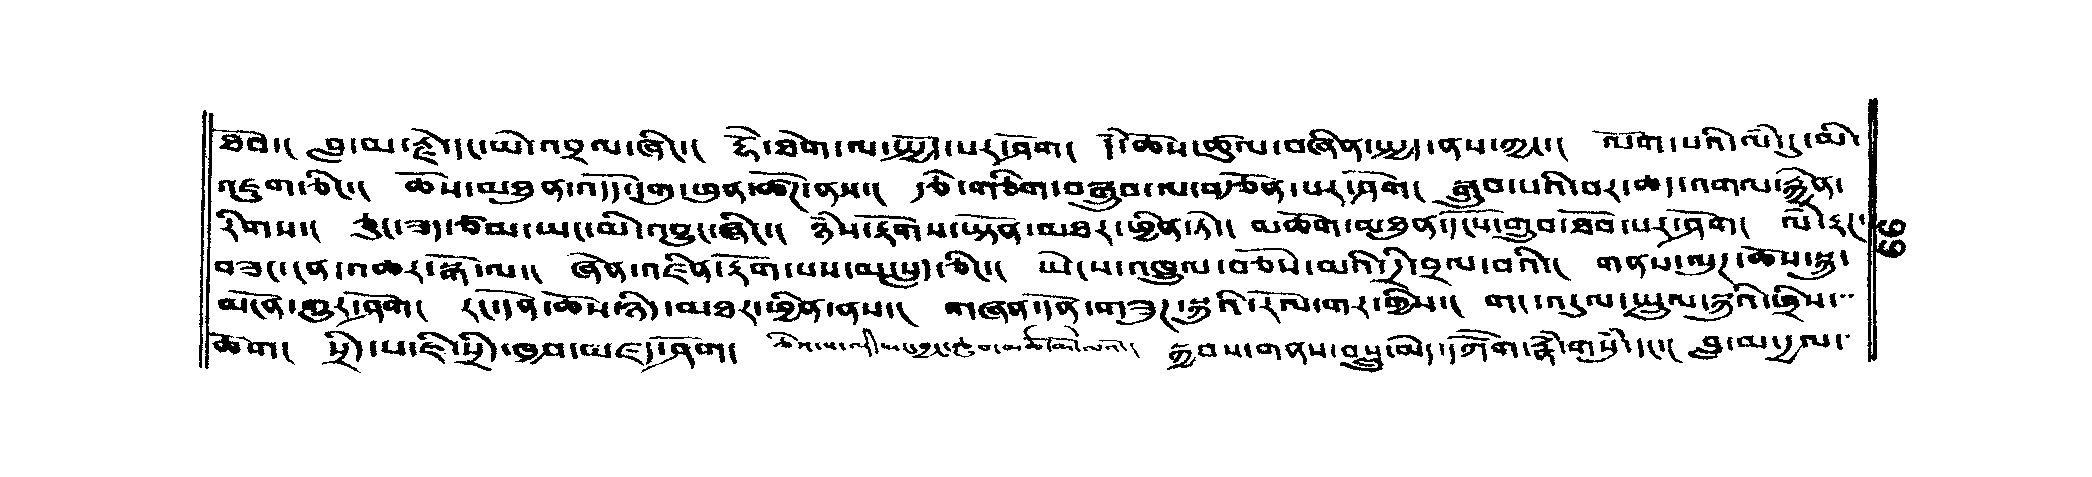ཐོབ། །བླ་མ་རྗེ་དང་མི་འབྲལ་ཞིང་། །རྡོ་རྗེ་ཐེག་ལ་སྤྱོད་པར་ཤོག །དམ་ཆོས་ཚུལ་བཞིན་སྤྱད་ནས་ཀྱང་། །ལོག་པའི་ལམ་དུ་མི་
འཇུག་ཅིང་། །ཆོས་མཐུན་འདོད་དགུ་ཕུན་ཚོགས་ནས། །རྩེ་གཅིག་བསྒྲུབ་ལ་བརྩོན་པར་ཤོག །སྒྲུབ་པའི་བར་ཆད་འགལ་རྐྱེན་
རིགས། །ཅུང་ཟད་ཙམ་ཡང་མི་འབྱུང་ཞིང་། །ཉམས་རྟོགས་ཡོན་ཏན་མཐར་ཕྱིན་ཏེ། །མཆོག་ཐུན་དངོས་གྲུབ་ཐོབ་པར་ཤོག །ལམ་རྟགས་
བཟང་ངན་འཆར་སྒོ་ལ། །ཞེན་འཛིན་རྟོག་པས་མ་སླད་ཅིང་། །ཡེངས་འཁྲུལ་བཅོས་མའི་དྲི་བྲལ་བའི། །གནས་ལུགས་ཆོས་སྐུ་
མངོན་གྱུར་ཤོག །རང་དོན་ཆོས་ཉིད་མཐར་ཕྱིན་ནས། །གཞན་དོན་གཟུགས་སྐུའི་རོལ་གར་གྱིས། །གང་འདུལ་སྤྲུལ་སྐུའི་ཕྲིན་ལས་
མཆོག །སྲིད་པ་ཇི་སྲིད་ཁྱབ་མཛད་ཤོག ཅེས་པ་འདི་ཡང་བྱང་ཆུབ་མཚོ་མོ་ལའོ།། སྐྱབས་གནས་བསླུ་མེད་དཀོན་མཆོག་རྣམ་གསུམ་དང་། །བླ་མ་རྒྱལ་